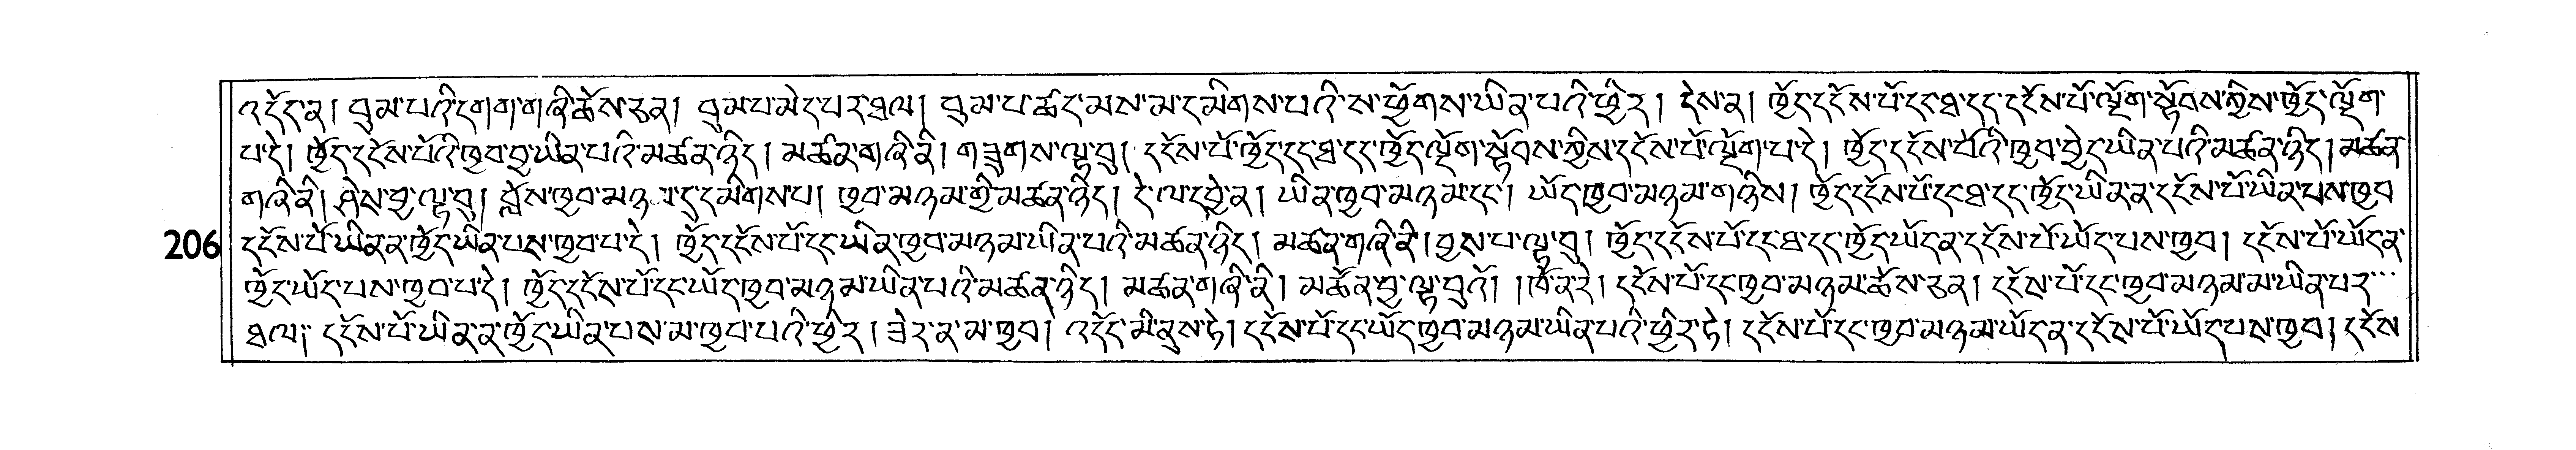འདོད་ན། བུམ་པའི་དགག་གཞི་ཆོས་ཅན། བུམ་པ་མེད་པར་ཐལ། བུམ་པ་ཚད་མས་མ་དམིགས་པའི་ས་ཕྱོགས་ཡིན་པའི་ཕྱིར། དེས་ན། ཁྱོད་དངོས་པོ་དང་ཐ་དད་དངོས་པོ་ལྡོག་སྟོབས་ཀྱིས་ཁྱོད་ལྡོག་
པ་དེ། ཁྱོད་དངོས་པོའི་ཁྱབ་བྱ་ཡིན་པའི་མཚན་ཉིད། མཚན་གཞི་ནི། གཟུགས་ལྟ་བུ། དངོས་པོ་ཁྱོད་དང་ཐ་དད་ཁྱོད་ལྡོག་སྟོབས་ཀྱིས་དངོས་པོ་ལྡོག་པ་དེ། ཁྱོད་དངོས་པོའི་ཁྱབ་བྱེད་ཡིན་པའི་མཚན་ཉིད། མཚན་
གཞི་ནི། ཤེས་བྱ་ལྟ་བུ། བློས་ཁྱབ་མཉམ་དུ་དམིགས་པ། ཁྱབ་མཉམ་གྱི་མཚན་ཉིད། དེ་ལ་དབྱེ་ན། ཡིན་ཁྱབ་མཉམ་དང་། ཡོད་ཁྱབ་མཉམ་གཉིས། ཁྱོད་དངོས་པོ་དང་ཐ་དད་ཁྱོད་ཡིན་ན་དངོས་པོ་ཡིན་པས་ཁྱབ་
དངོས་པོ་ཡིན་ན་ཁྱོད་ཡིན་པས་ཁྱབ་པ་དེ། ཁྱོད་དངོས་པོ་དང་ཡིན་ཁྱབ་མཉམ་ཡིན་པའི་མཚན་ཉིད། མཚན་གཞི་ནི། བྱས་པ་ལྟ་བུ། ཁྱོད་དངོས་པོ་དང་ཐ་དད་ཁྱོད་ཡོད་ན་དངོས་པོ་ཡོད་པས་ཁྱབ། དངོས་པོ་ཡོད་ན་
ཁྱོད་ཡོད་པས་ཁྱབ་པ་དེ། ཁྱོད་དངོས་པོ་དང་ཡོད་ཁྱབ་མཉམ་ཡིན་པའི་མཚན་ཉིད། མཚན་གཞི་ནི། མཚོན་བྱ་ལྟ་བུའོ། །ཁོ་ན་རེ། དངོས་པོ་དང་ཁྱབ་མཉམ་ཆོས་ཅན། དངོས་པོ་དང་ཁྱབ་མཉམ་མ་ཡིན་པར་
ཐལ༑ དངོས་པོ་ཡིན་ན་ཁྱོད་ཡིན་པས་མ་ཁྱབ་པའི་ཕྱིར། ཟེར་ན་མ་ཁྱབ། འདོད་མི་ནུས་ཏེ། དངོས་པོ་དང་ཡོད་ཁྱབ་མཉམ་ཡིན་པའི་ཕྱིར་ཏེ། དངོས་པོ་དང་ཁྱབ་མཉམ་ཡོད་ན་དངོས་པོ་ཡོད་པས་ཁྱབ། དངོས་